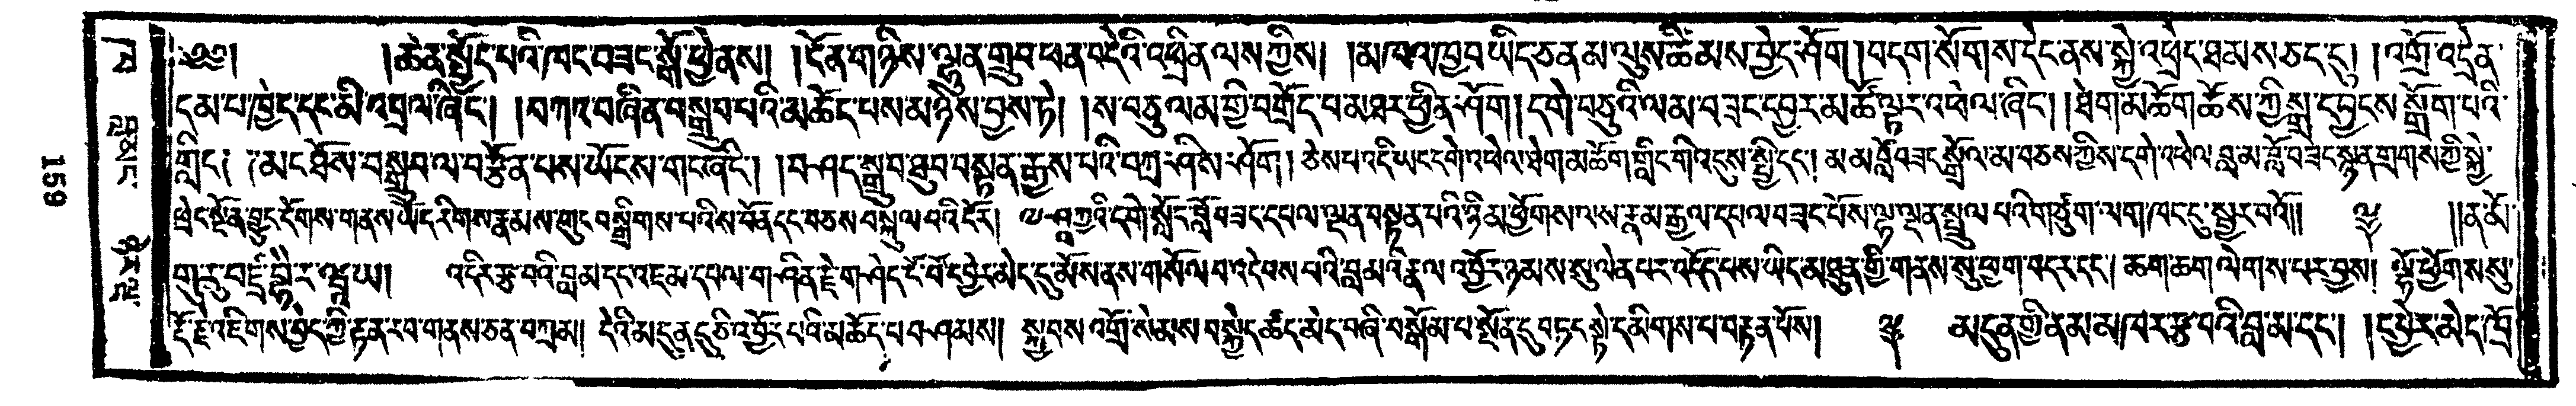༄༅། །ཆེན་སྤྱོད་པའི་ཁང་བཟང་སྒོ་ཕྱེ་ནས། །དོན་གཉིས་ལྷུན་གྲུབ་ཕན་བདེའི་འཕྲིན་ལས་ཀྱིས། །མཁའ་ཁྱབ་ཡིད་ཅན་མ་ལུས་ཚིམས་བྱེད་ཤོག །བདག་སོགས་དེང་ནས་སྐྱེ་འཕྲེང་ཐམས་ཅད་དུ། །འགྲོ་འདྲེན་
དམ་པ་ཁྱེད་དང་མི་འབྲལ་ཞིང་། །བཀའ་བཞིན་བསྒྲུབ་པའི་མཆོད་པས་མཉེས་བྱས་ཏེ། །ས་བཅུ་ལམ་གྱི་བགྲོད་པ་མཐར་ཕྱིན་ཤོག །དགེ་བཅུའི་ལམ་བཟང་དབྱར་མཚོ་ལྟར་འཕེལ་ཞིང་། །ཐེག་མཆོག་ཆོས་ཀྱི་སྒྲ་དབྱངས་སྒྲོག་པའི་
གླིང༑ ༑མང་ཐོས་བསྒྲུབ་ལ་བརྩོན་པས་ཡོངས་གང་ཞིང་། །བཤད་སྒྲུབ་ཐུབ་བསྟན་རྒྱས་པའི་བཀྲ་ཤིས་ཤོག། ཅེས་པ་འདི་ཡང་དགེ་འཕེལ་ཐེག་མཆོག་གླིང་གི་འདུས་སྤྱི་དང་། མ་མ་བློ་བཟང་སྒྲོལ་མ་བཅས་ཀྱིས་དགེ་འཕེལ་བླ་མ་བློ་བཟང་སྙན་གྲགས་ཀྱི་སྐྱེ་
ཕྲེང་སྔོན་བྱུང་དོགས་གནས་ཡོད་རིགས་རྣམས་གུང་བསྒྲིགས་པའི་ས་བོན་དང་བཅས་བསྐུལ་བའི་ངོར། ༧་ཤཱཀྱའི་དགེ་སློང་བློ་བཟང་དཔལ་ལྡན་བསྟན་པའི་ཉི་མ་ཕྱོགས་ལས་རྣམ་རྒྱལ་དཔལ་བཟང་པོས་ལྷ་ལྡན་སྤྲུལ་པའི་གཙུག་ལག་ཁང་དུ་སྦྱར་བའོ།། ༈ །།ན་མོ་
གུ་རུ་བཛྲ་བྷཻ་ར་ཝཱ་ཡ། འདིར་རྩ་བའི་བླ་མ་དང་འཇམ་དཔལ་གཤིན་རྗེ་གཤེད་ངོ་བོ་དབྱེར་མེད་དུ་མོས་ནས་གསོལ་བ་འདེབས་པའི་བླ་མའི་རྣལ་འབྱོར་ཉམས་སུ་ལེན་པར་འདོད་པས་ཡིད་མཐུན་གྱི་གནས་སུ་ཕྱག་བདར་དང་། ཆག་ཆག་ལེགས་པར་བྱས། ལྷོ་ཕྱོགས་སུ་
རྡོ་རྗེ་འཇིགས་བྱེད་ཀྱི་རྟན་རབ་གནས་ཅན་བཀྲམ། དེའི་མདུན་དུ་ཅི་འབྱོར་པའི་མཆོད་པ་བཤམས། སྐྱབས་འགྲོ་སེམས་བསྐྱེད་ཚད་མེད་བཞི་བསྒོམ་པ་སྔོན་དུ་བཏང་སྟེ་དམིགས་པ་བརྟན་པོས། ༈ མདུན་གྱི་ནམ་མཁར་རྩ་བའི་བླ་མ་དང་། །དབྱེར་མེད་ཁྲོ་